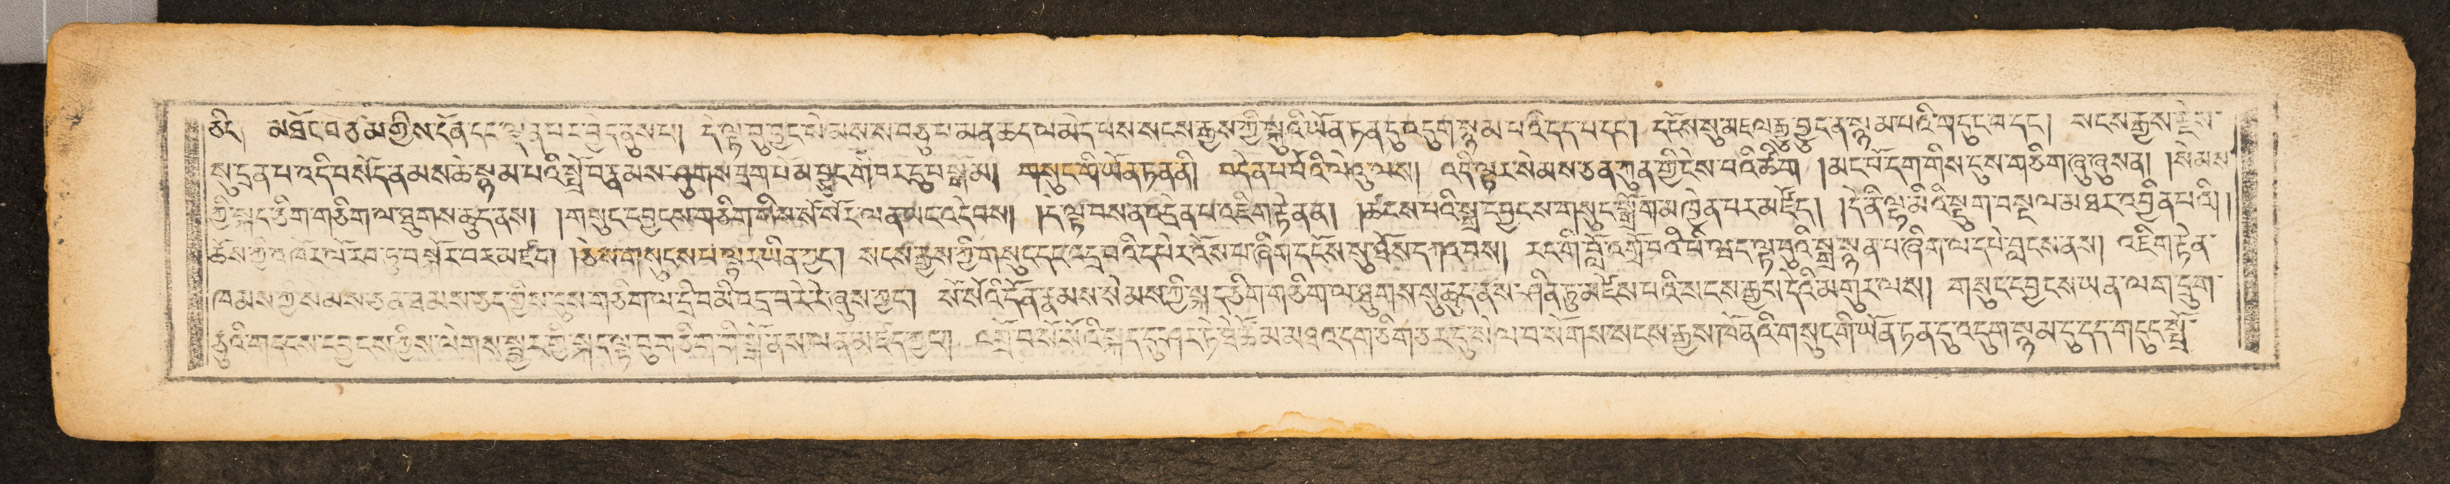ཅིང༑ མཐོང་བ་ཙམ་གྱིས་དོན་དང་ལྡན་པར་བྱེད་ནུས་པ། དེ་ལྟ་བུ་བྱང་སེམས་ས་བཅུ་བ་མན་ཆད་ལ་མེད་པས་སངས་རྒྱས་ཀྱི་སྐུའི་ཡོན་ཏན་དུ་འདུག་སྙམ་པའི་དད་པ་དང་། དངོས་སུ་མཇལ་རྒྱུ་བྱུང་ན་སྙམ་པའི་གདུང་བ་དང་། སངས་རྒྱས་རྗེས་
སུ་དྲན་པ་འདི་བསོད་ནམས་ཆེ་སྙམ་པའི་སྤྲོ་བ་རྣམས་ཤུགས་དྲག་པོ་མ་བྱུང་གི་བར་དུ་བསྒོམ། གསུང་གི་ཡོན་ཏན་ནི། བདེན་པ་པོའི་ལེའུ་ལས། འདི་ལྟར་སེམས་ཅན་ཀུན་གྱི་ངེས་པའི་ཚིག །མང་པོ་དག་གིས་དུས་གཅིག་ཞུ་ཞུས་ན། །སེམས་
ཀྱི་སྐད་ཅིག་གཅིག་ལ་ཐུགས་ཆུད་ནས། །གསུང་དབྱངས་གཅིག་གིས་སོ་སོར་ལན་ཡང་བདེ་བས། །དེ་ལྟ་བས་ན་འདྲེན་པ་འཇིག་རྟེན་ན། །ཚངས་པའི་སྒྲ་དབྱངས་གསུང་སྒྲོག་མཁྱེན་པར་མཛོད། །དེ་ནི་ལྷ་མིའི་སྡུག་བསྔལ་མཐར་འབྱིན་པའི།།
ཆོས་ཀྱི་འཁོར་ལོ་རབ་ཏུ་བསྐོར་པར་མཛད། །ཅེས་གསུངས་པ་ལྟར་ཡིན་ཀྱང་། སངས་རྒྱས་ཀྱི་གསུང་དང་འདྲ་བའི་དཔེར་འོས་པ་ཞིག་དངོས་སུ་ཐོས་དཀའ་བས། རང་གི་བློ་འགྲོ་བའི་པི་ཝང་ལྟ་བུའི་སྒྲ་སྙན་པ་ཞིག་ལ་དཔེ་བླངས་ནས། འཇིག་རྟེན་
ཁམས་ཀྱི་སེམས་ཅན་ཐམས་ཅད་ཀྱིས་དུས་གཅིག་ལ་དྲི་བ་མི་འདྲ་བ་རེ་རེ་ཞུས་ཀྱང་། སོ་སོའི་དོན་རྣམས་སེམས་ཀྱི་སྐད་ཅིག་གཅིག་ལ་ཐུགས་སུ་ཆུད་ནས་ཤིན་ཏུ་མཛེས་པའི་སངས་རྒྱས་དེའི་མགུར་ལས། གསུང་དབྱངས་ཡན་ལག་དྲུག་
ཅུའི་གདངས་དབྱངས་ཀྱིས་ལེགས་སྦྱར་གྱི་སྐད་ལྟ་བུ་གཅིག་གི་སྒོ་ནས་ལན་མཛད་ཀྱང་། འགྲོ་བ་སོ་སོའི་སྐད་དུ་ཤར་ཏེ་ཐེ་ཚོམ་མཐའ་དག་ཅིག་ཅར་དུ་སེལ་བ་སོགས་སངས་རྒྱས་ཁོ་ནའི་གསུང་གི་ཡོན་ཏན་དུ་འདུག་སྙམ་དུ་དང་གདུང་སྤྲོ་